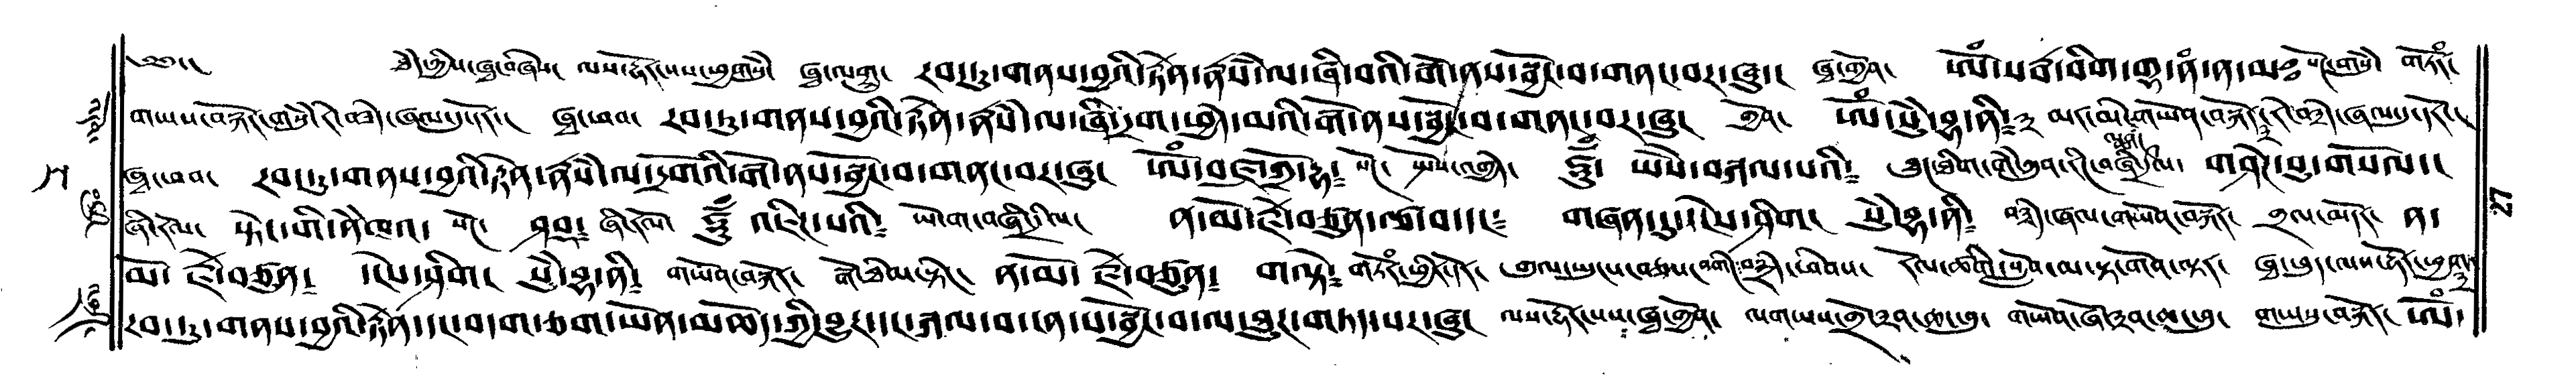ཐམས་ཅད་ཀྱིས་ཞྭ་བཞེས། ལས་རྡོར་པས་ཕྱག་གསུམ། ཞྭ་ལག་ཏུ། རབ་ཏུ་གནས་བྱའི་རྟེན་རྣམས་ལ་ཞི་བའི་སྒོ་ནས་སྦྱོང་བ་གནང་བར་ཞུ། ཞྭ་གྱོན། ཨོཾ་སརྦ་བིག་གྷ་ནཾ་ན་མཿ སོགས་གསུམ། གཏོར་མ་
གཡས་བསྐོར་གསུམ་རེ་བཟེད་ཞལ་དུ་དོར། ཞྭ་ཕབ། རབ་ཏུ་གནས་བྱའི་རྟེན་རྣམས་ལ་ཞི་དྲག་ཕྱེད་མའི་སྒོ་ནས་སྦྱོང་བ་གནང་བར་ཞུ༔ གྱོན། ཨོཾ་སུམ་བྷ་ནི༴ ལན་གསུམ། མར་མེ་ལྕག་གཡོན་བསྐོར་གསུམ་རེ་བཟེད་ཞལ་དུ་དོར། 
ཞྭ་ཕབ། རབ་ཏུ་གནས་བྱའི་རྟེན་རྣམས་ལ་དྲག་པོའི་སྒོ་ནས་སྦྱོང་བ་གནང་བར་ཞུ༔ ཨོཾ་བཛྲ་ཀྲོ་དྷ༴ སོགས། སྤོས་འགྱེད། ཧཱུྃ༔ ཡེ་ཤེས་བསྐལ་པའི༴ ཐུགས་ཐིག་གམ་ཀུན་རིག་བཞི་དྲིལ། གཤེགས་སུ་གསོལ༔ 
ཞི་རོལ། སྟེང་གི་ནམ་མཁའ༴ སོགས། ཤབྡ༴ ཞི་རོལ། ཧཱུྃ༔ འཇིགས་པའི༴ ཡོ་ག་བཞི་དྲིལ། ན་མོ་རྗེ་བཙུན་རྩ་བ་དང༴ གཞན་དུ་དེངས་ཤིག༔ སུམ་བྷ་ནི༴ བཟེད་ཞལ་གཡོན་བསྐོར། གྲལ་མདོར། ན་
མོཿརྗེ་བཙུན༴ དེངས་ཤིག༔ སུམ་བྷ་ནི༴ གཡོན་བསྐོར། སྒོ་ཐེམ་སྟེང་། ན་མོ་རྗེ་བཙུན༴ གལ་སྟེ༴ གཏོར་མ་ཕྱིར་དོར། གུལ་ཡུངས་དང་བཅས་བགེགས་བསྐྲད་ཕེབས། རོལ་ཚིག་སློབ་མ་སྟ་གོན་ལྟར། ཞྭ་ཕུད་ལས་རྡོར་ཕྱག་གསུམ། 
རབ་ཏུ་གནས་བྱའི་རྟེན་དང་བདག་ཅག་ཡོན་མཆོད་ཀྱི་བྱུར་དང་སྐལ་བ་ངན་པ་སྦྱོང་བ་ལ་ཐུགས་གཏད་པར་ཞུ༔ ལས་རྡོར་པས་ཞྭ་གྱོན། ལག་གཡས་གྲོ་ཟན་ཆང་བུ། གཡོན་ཞོ་ཟན་ཆང་བུ། གཡས་སུ་བསྐོར། ཨོཾ་